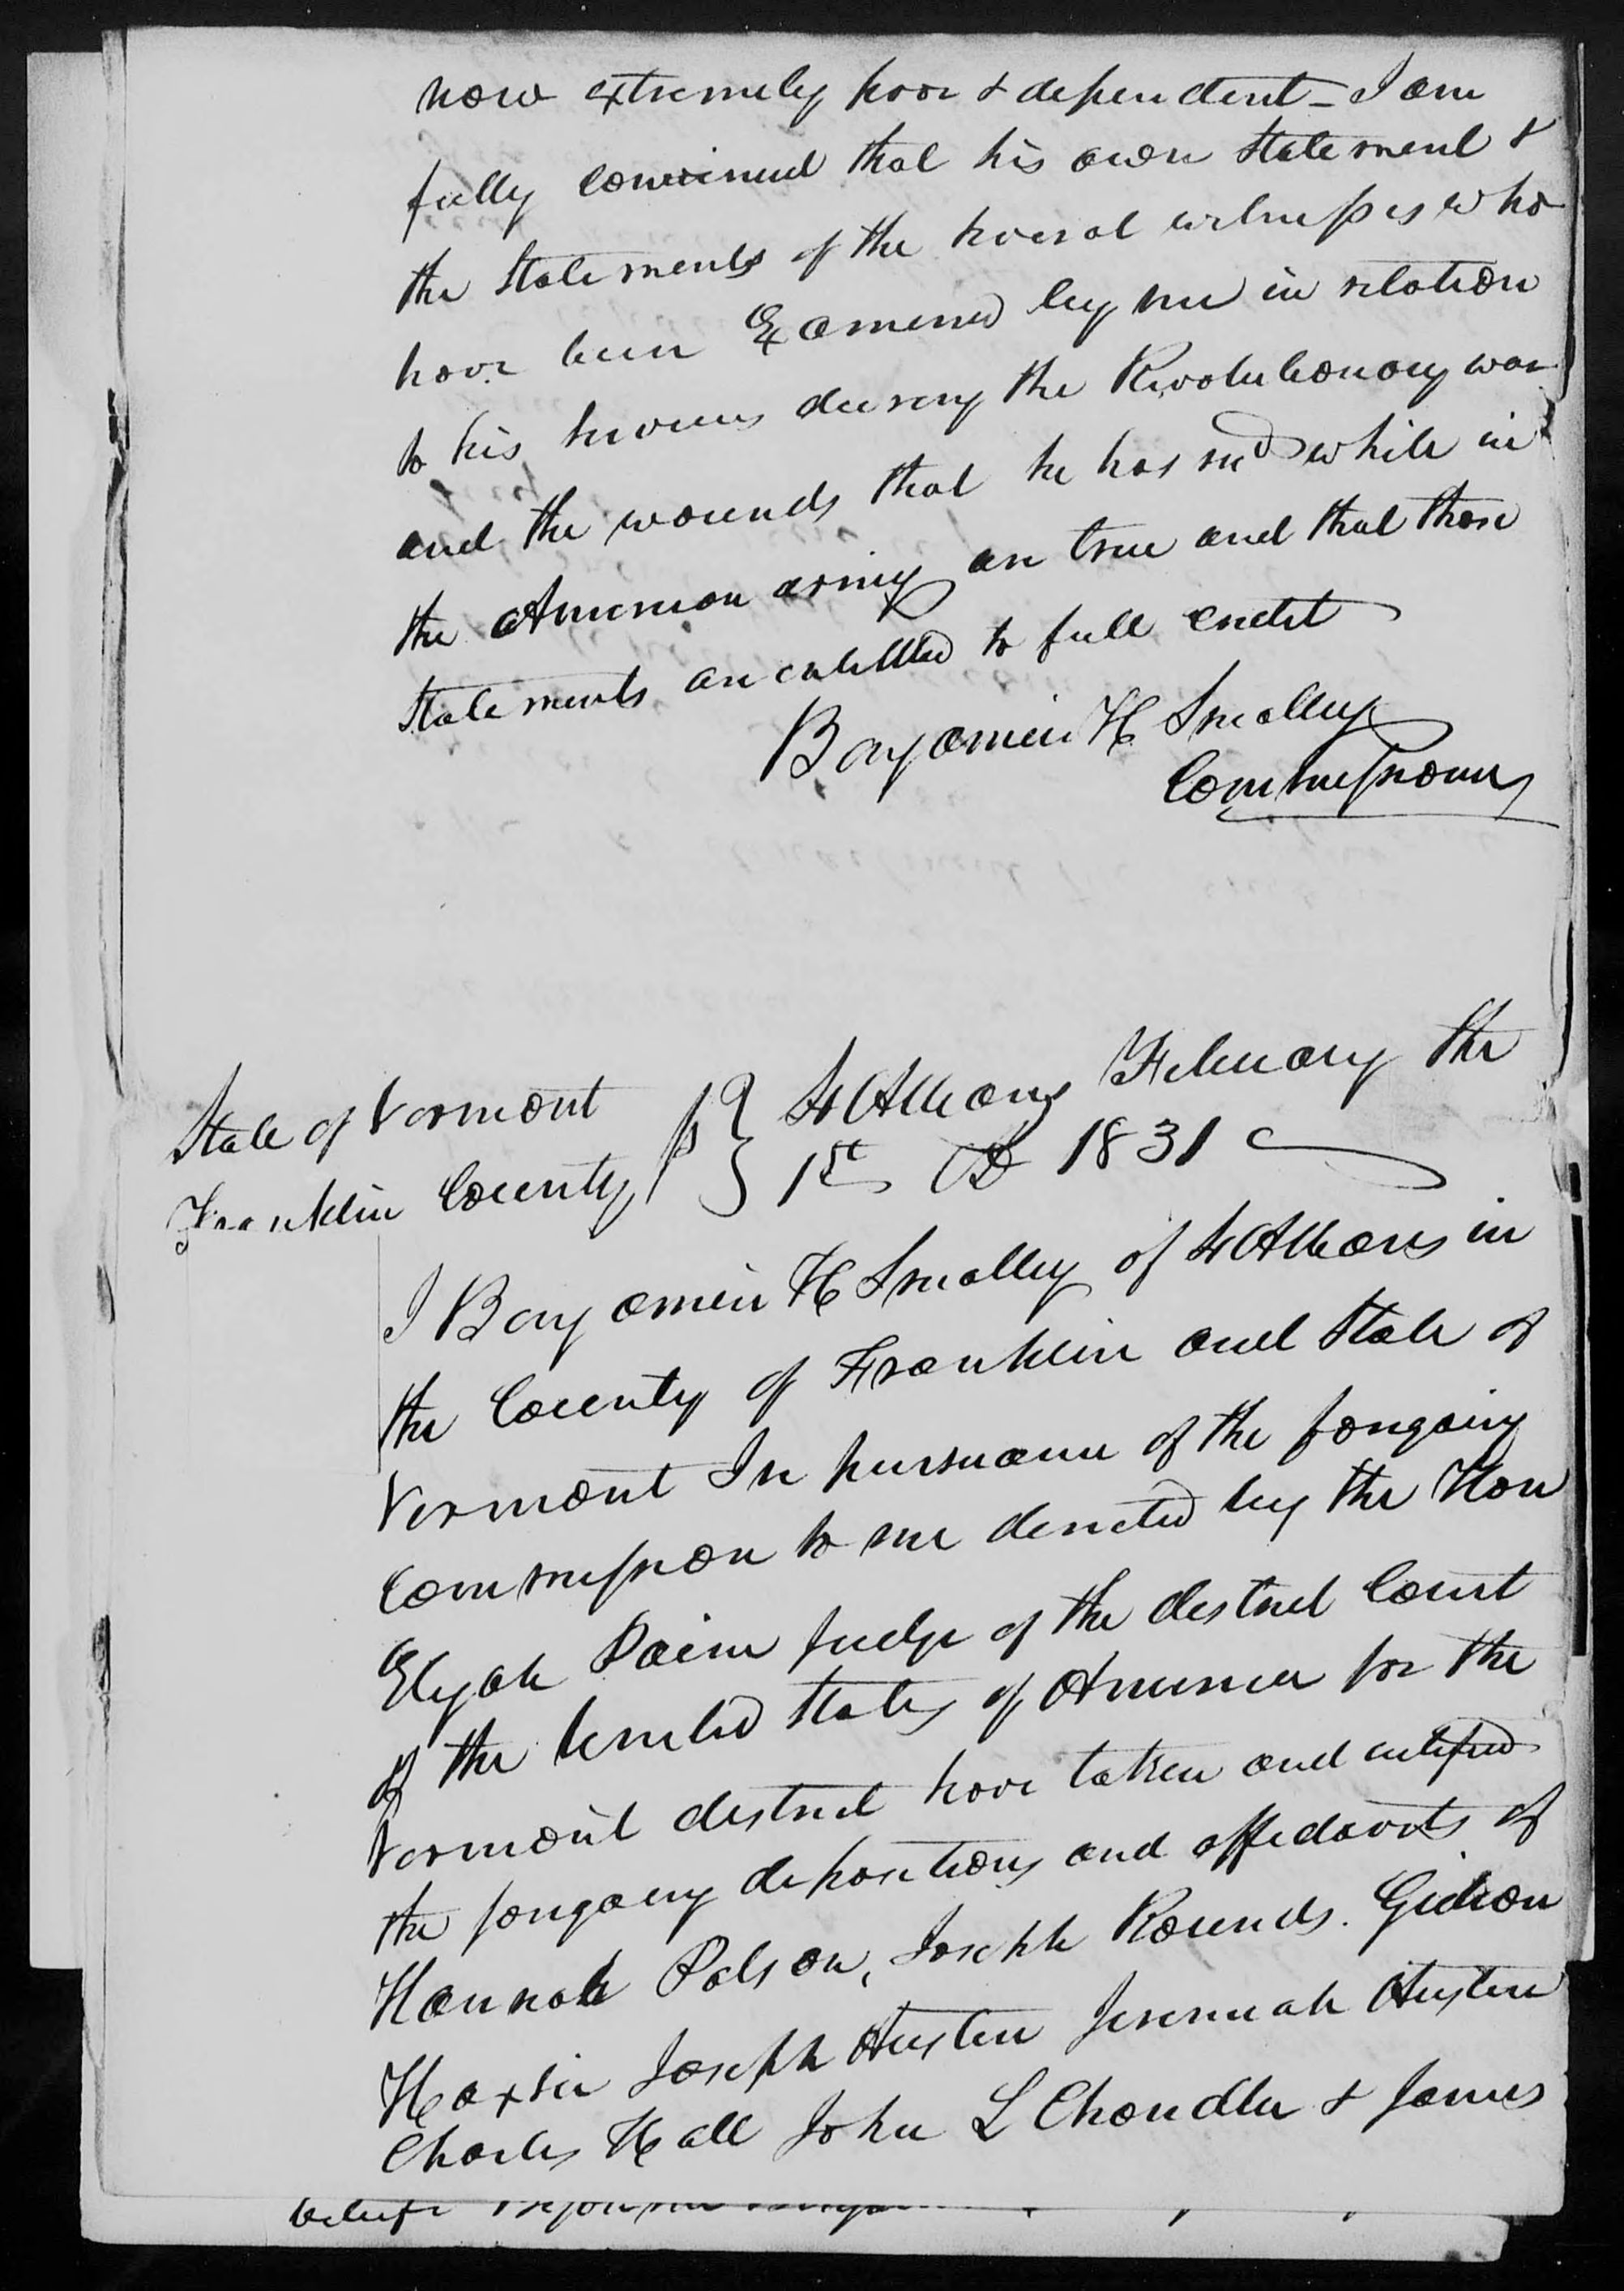now extremely poor & dependent. I am fully convinced that his own statement & the statements of the several witnesses who have been examined by me in relation to his services during the Revolutionary war and the wounds that he has recd while in the American army are true and that those statements are [illegible] to full credit
Benjamin H Smalley
Commissioner

State of Vermont   } St Albans February
Franklin County ss } the 1st AD 1831 --
I Benjamin H Smalley of St Albans in the County of Franklin and State of Vermont In pursuance of the foregoing commission to sue directed by the Hon Elijah Pain Judge of the district court of the United States of America for the Vermont district have taken and certified the foregoing depositions and affidavits of Hannah Polson, Joseph Rounds, Gideon Haxtin Joseph Austin Jeremiah Austin Charles Hall John L Chandler & James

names: Hannah Polson, James, Benjamin H Smalley, Gideon Polson, Joseph Rounds, Charles Hall, Benjamin H Smalley, John L Chandler, Joseph Austin, Jeremiah Austin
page: 64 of 100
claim: survivor's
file: S 19186, James Austin, Conn. New York R.I.